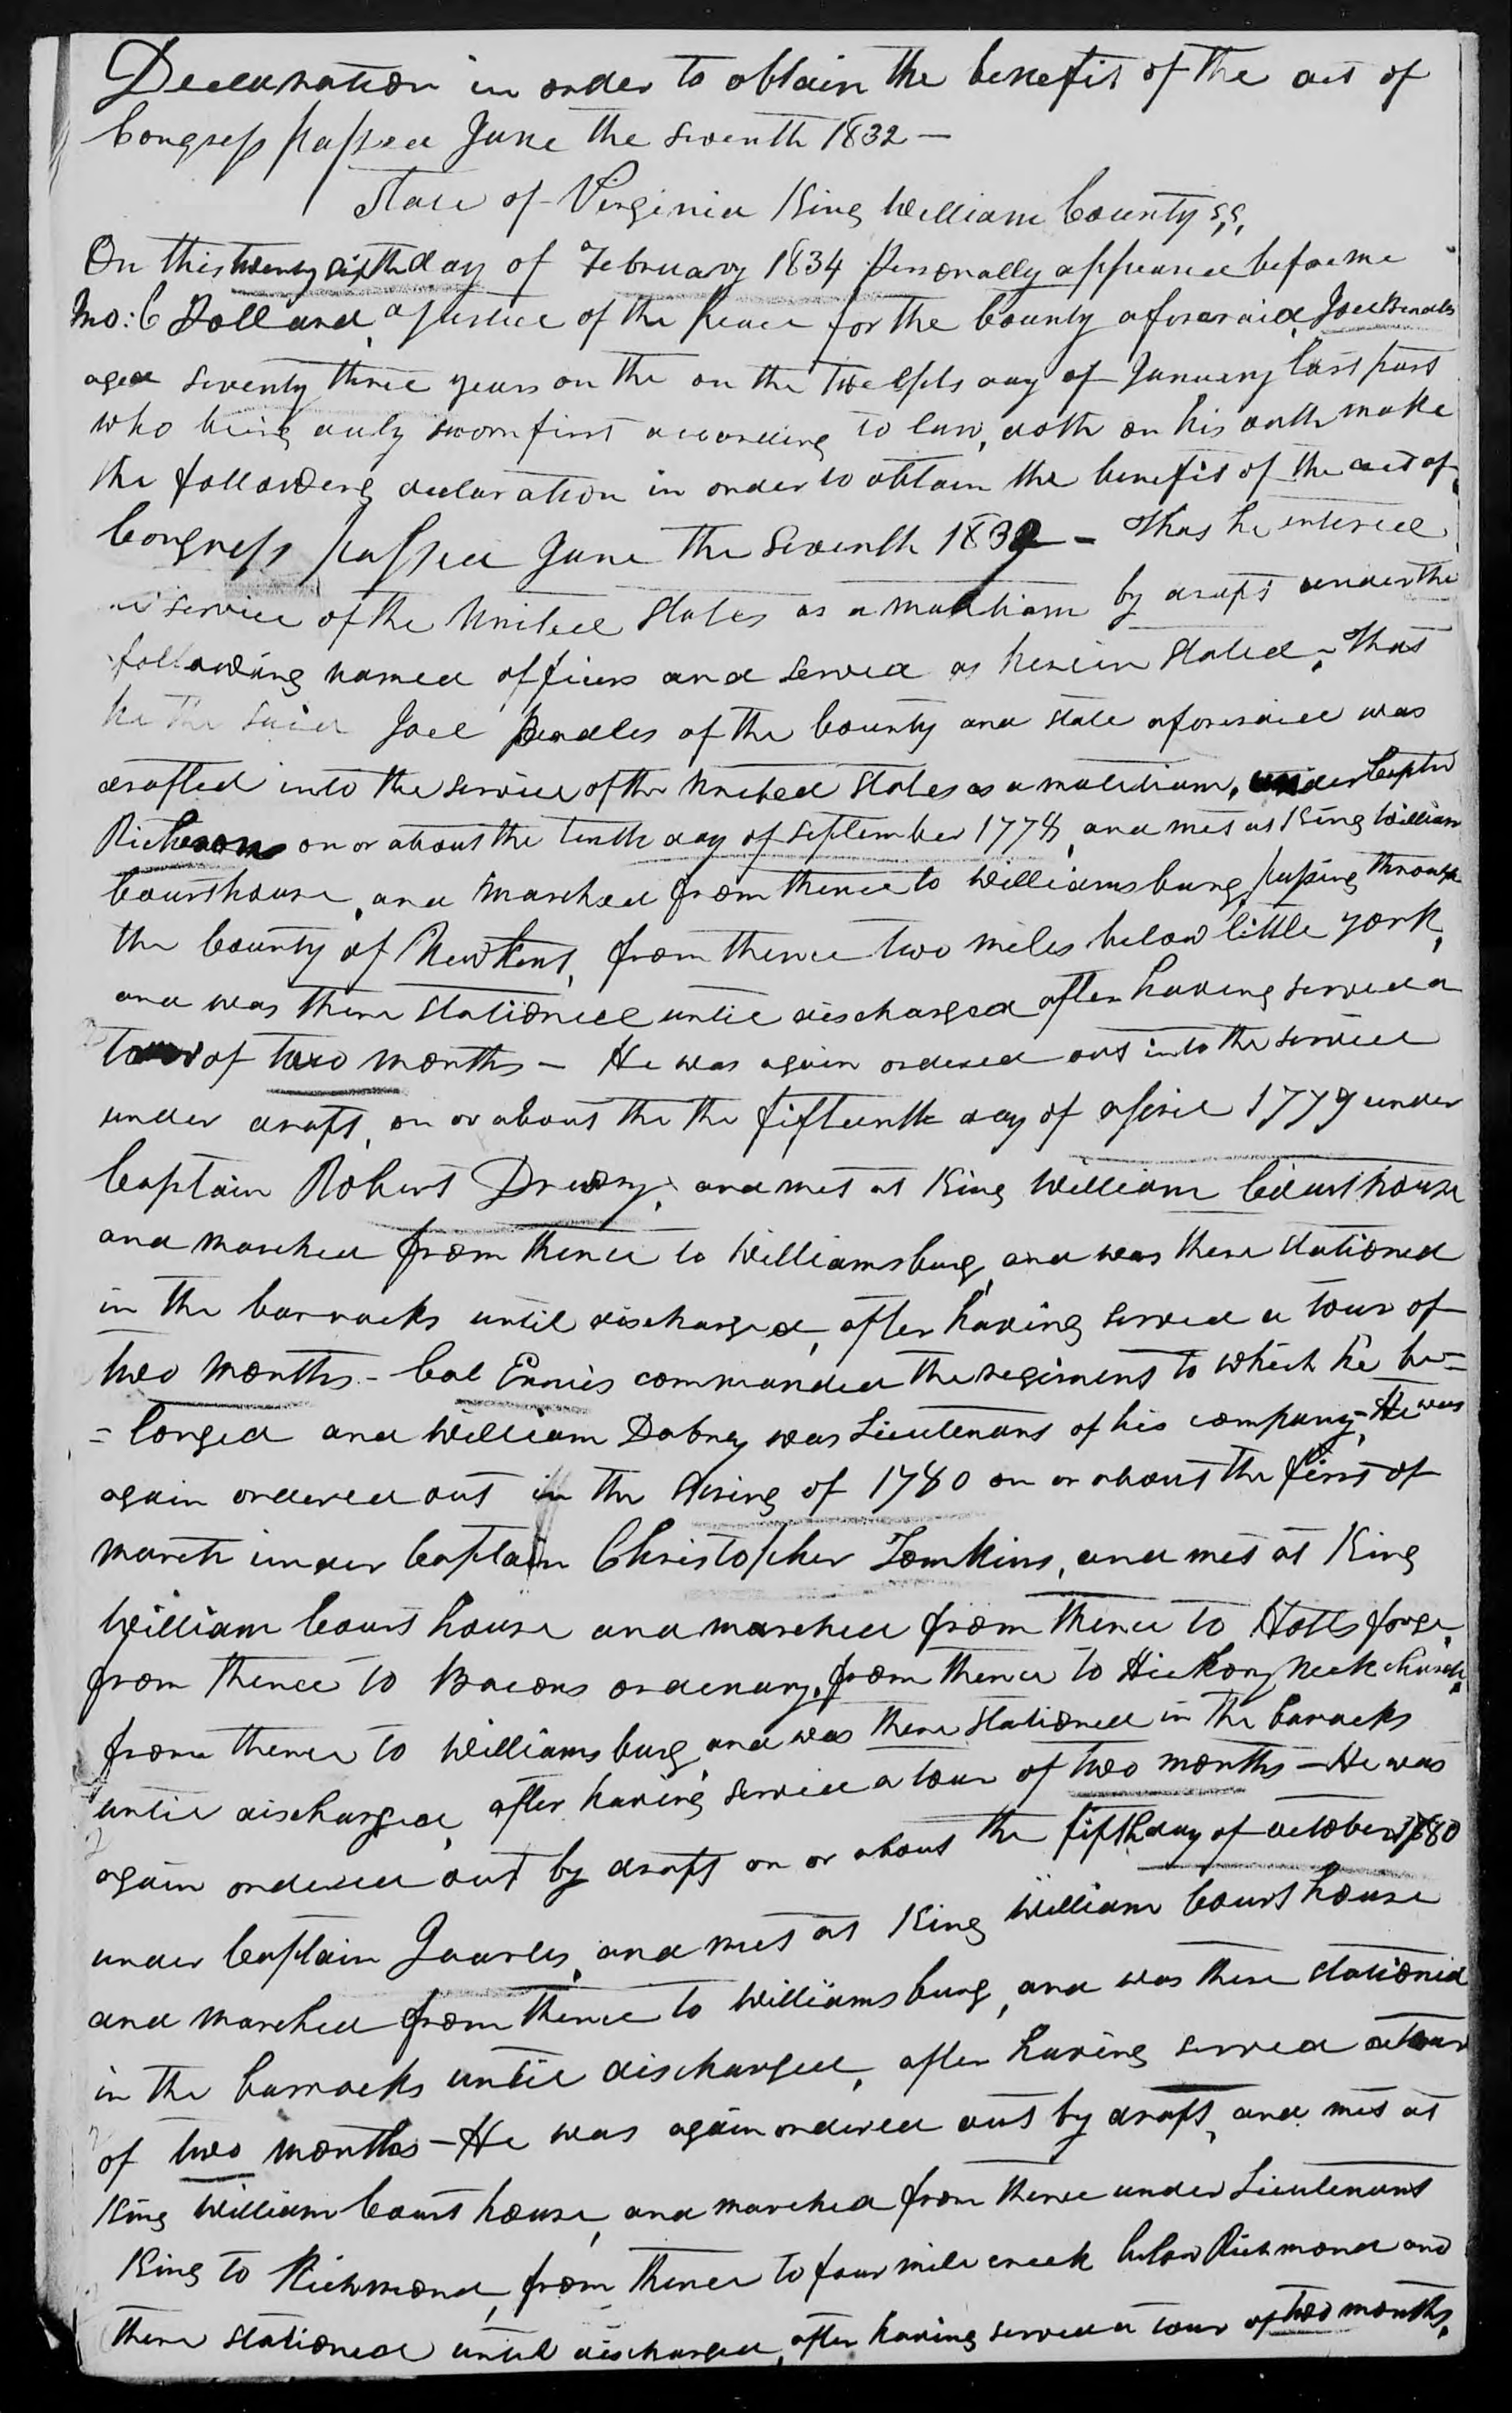Declaration in order to obtain the benefits of the Act of Congress June the Seventh 1832

State of Virginia King William County.
On this twenty sixth day of February 1834 personally appearance before me Jno. C.
Pollard, a justice of the peace for the County aforesaid, Joel Beadles aged seventy three years on the the twelfth day of January last year who only from first receiving the law, doth on his oath make the following declaration in order to obtain the benefits of the Act of Congress June the Seventh 1832. That he entered in service of the United States as a militiaman under the following named officers and served as herein stated. That he the said Joel Beadles of the County and State aforesaid was drafted into the service of the United States as a militiamen, Captain Richeson on or about the tenth day of September 1778, and met at King William Courthouse, and marched from hence to Williamsburg marching through the County of New Kent, from thence two miles below little York, and was then stationed until discharged after having served a total of two months. He was again ordered and into the service under draft, on or about the fifteenth day of April 1779 under Captain Robert Drewry, and met at King William Courthouse and marched from thence to Williamsburg and near there stationed in the barracks until discharged, after having served a tour of three months. Colonel Ennis commanded the regiment to which he belonged and William Dabney was Lieutenant of his company. He was ordered out in the spring of 1780 on or about the first of March under Captain Christoper Tomkins, and met at King William Courthouse and marched from thence to Notts from thence to Bacons ordinary, from thence to Hickory Neck church from thence to Williamsburg, and was then stationed in the barracks until discharged after having served a tour of three months. He was again ordered out by draft on or about the fifth day or October 1780 under Captain Qualres and met at King William Courthouse and marched from thence to Williamsburg, and was there stationed in the barracks until discharged, after having served a total of three months. He was again ordered out by draft, and met a King William Courthouse, and marched from thence under Lieutenant King to Richmond, from thence to four mile creek below Richmond and then stationed until discharged, after having served a tour of three months.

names: Quarles, Jno C Pollard, Joel Beadles, Richeson, Christopher Tomkins, Joel Beadles, Robert Drewry, Eunis, William Dabney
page: 4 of 13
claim: survivor's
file: S. 17841, Joel Beadles, Va.